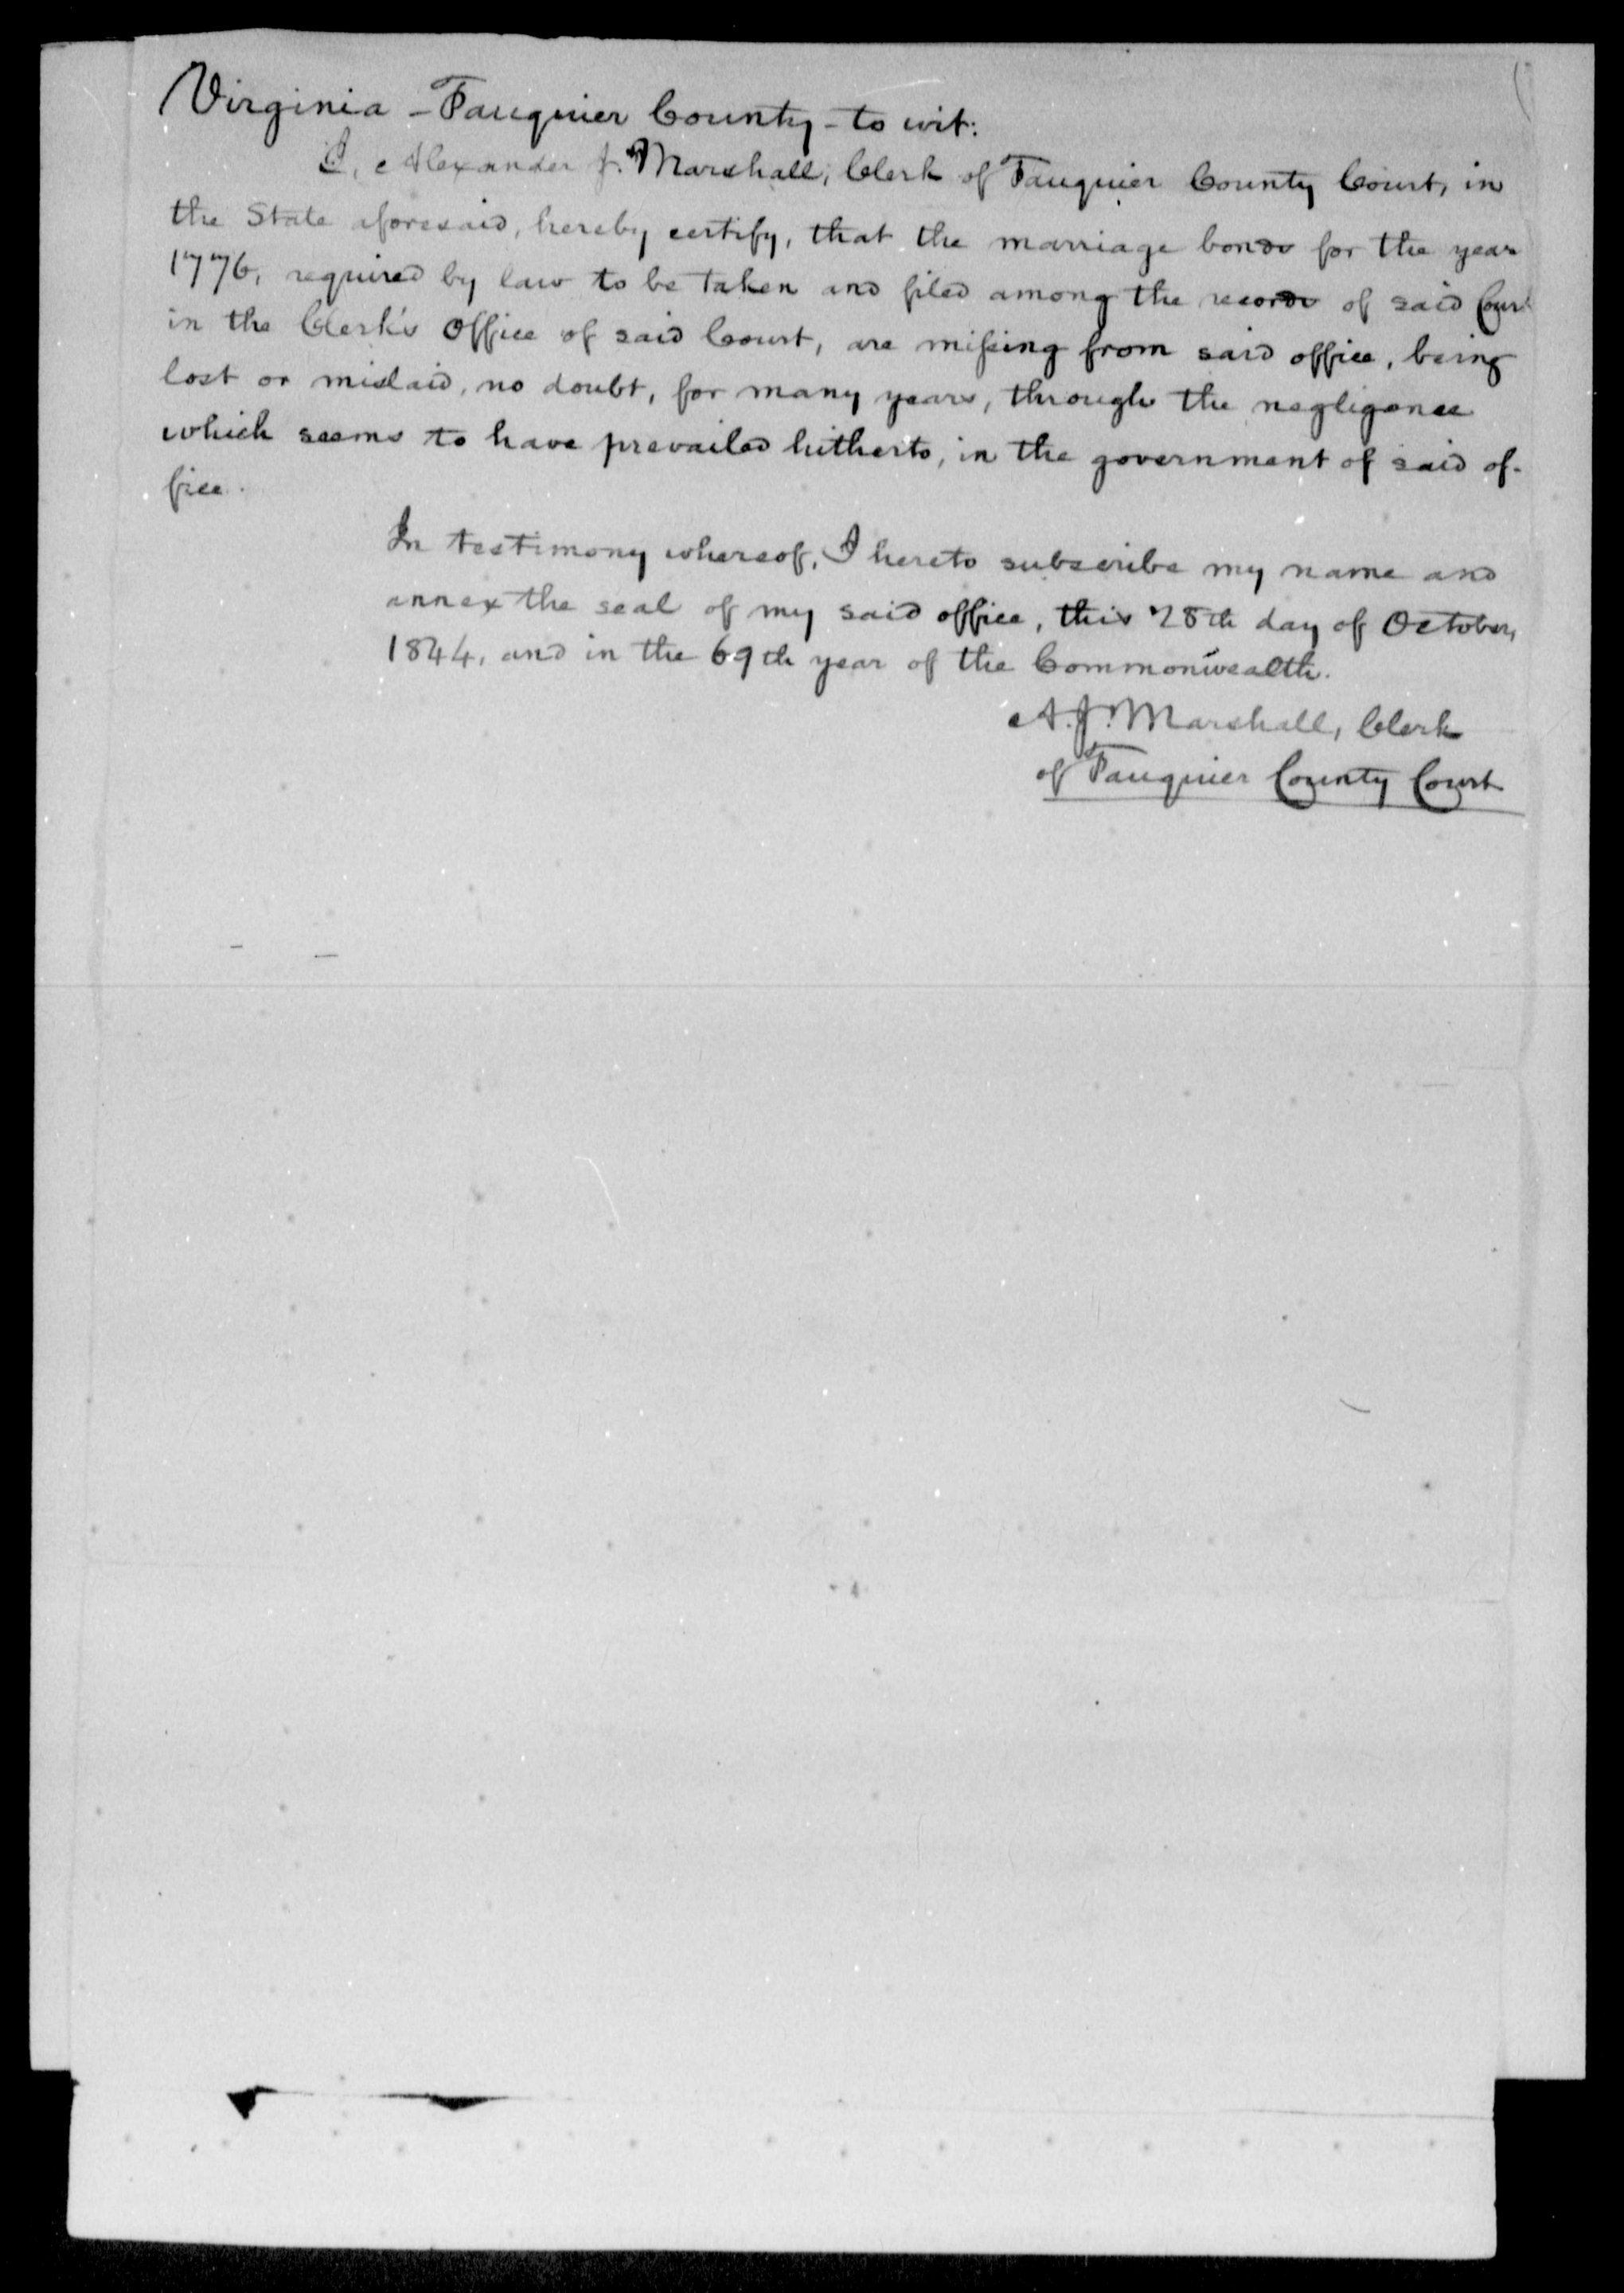Virginia -Fauquier County - to wit:
I, Alexander J. Marshall, Clerk of Fauquier County Court, in the State aforesaid, hereby certify, that the marriage bonds for the year 1776, required by law to be taken and filed among the records of said Court in the Clerk's Office of said Court, are missing from said office, being lost or mislaid, no doubt, for many years, through the negligence which seems to have prevailed hitherto, in the government of said office.
In Testimony whereof, I hereto subscribe my name and annex the seal of my said office, this 28th day of October, 1844, and in the 69th year of the Commonwealth.
A.J. Marshall, Clerk
of Fauquier County Court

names: Alexander J Marshall; A J Marshall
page: 70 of 84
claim: widow's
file: W.11104, for John Remay, Virginia